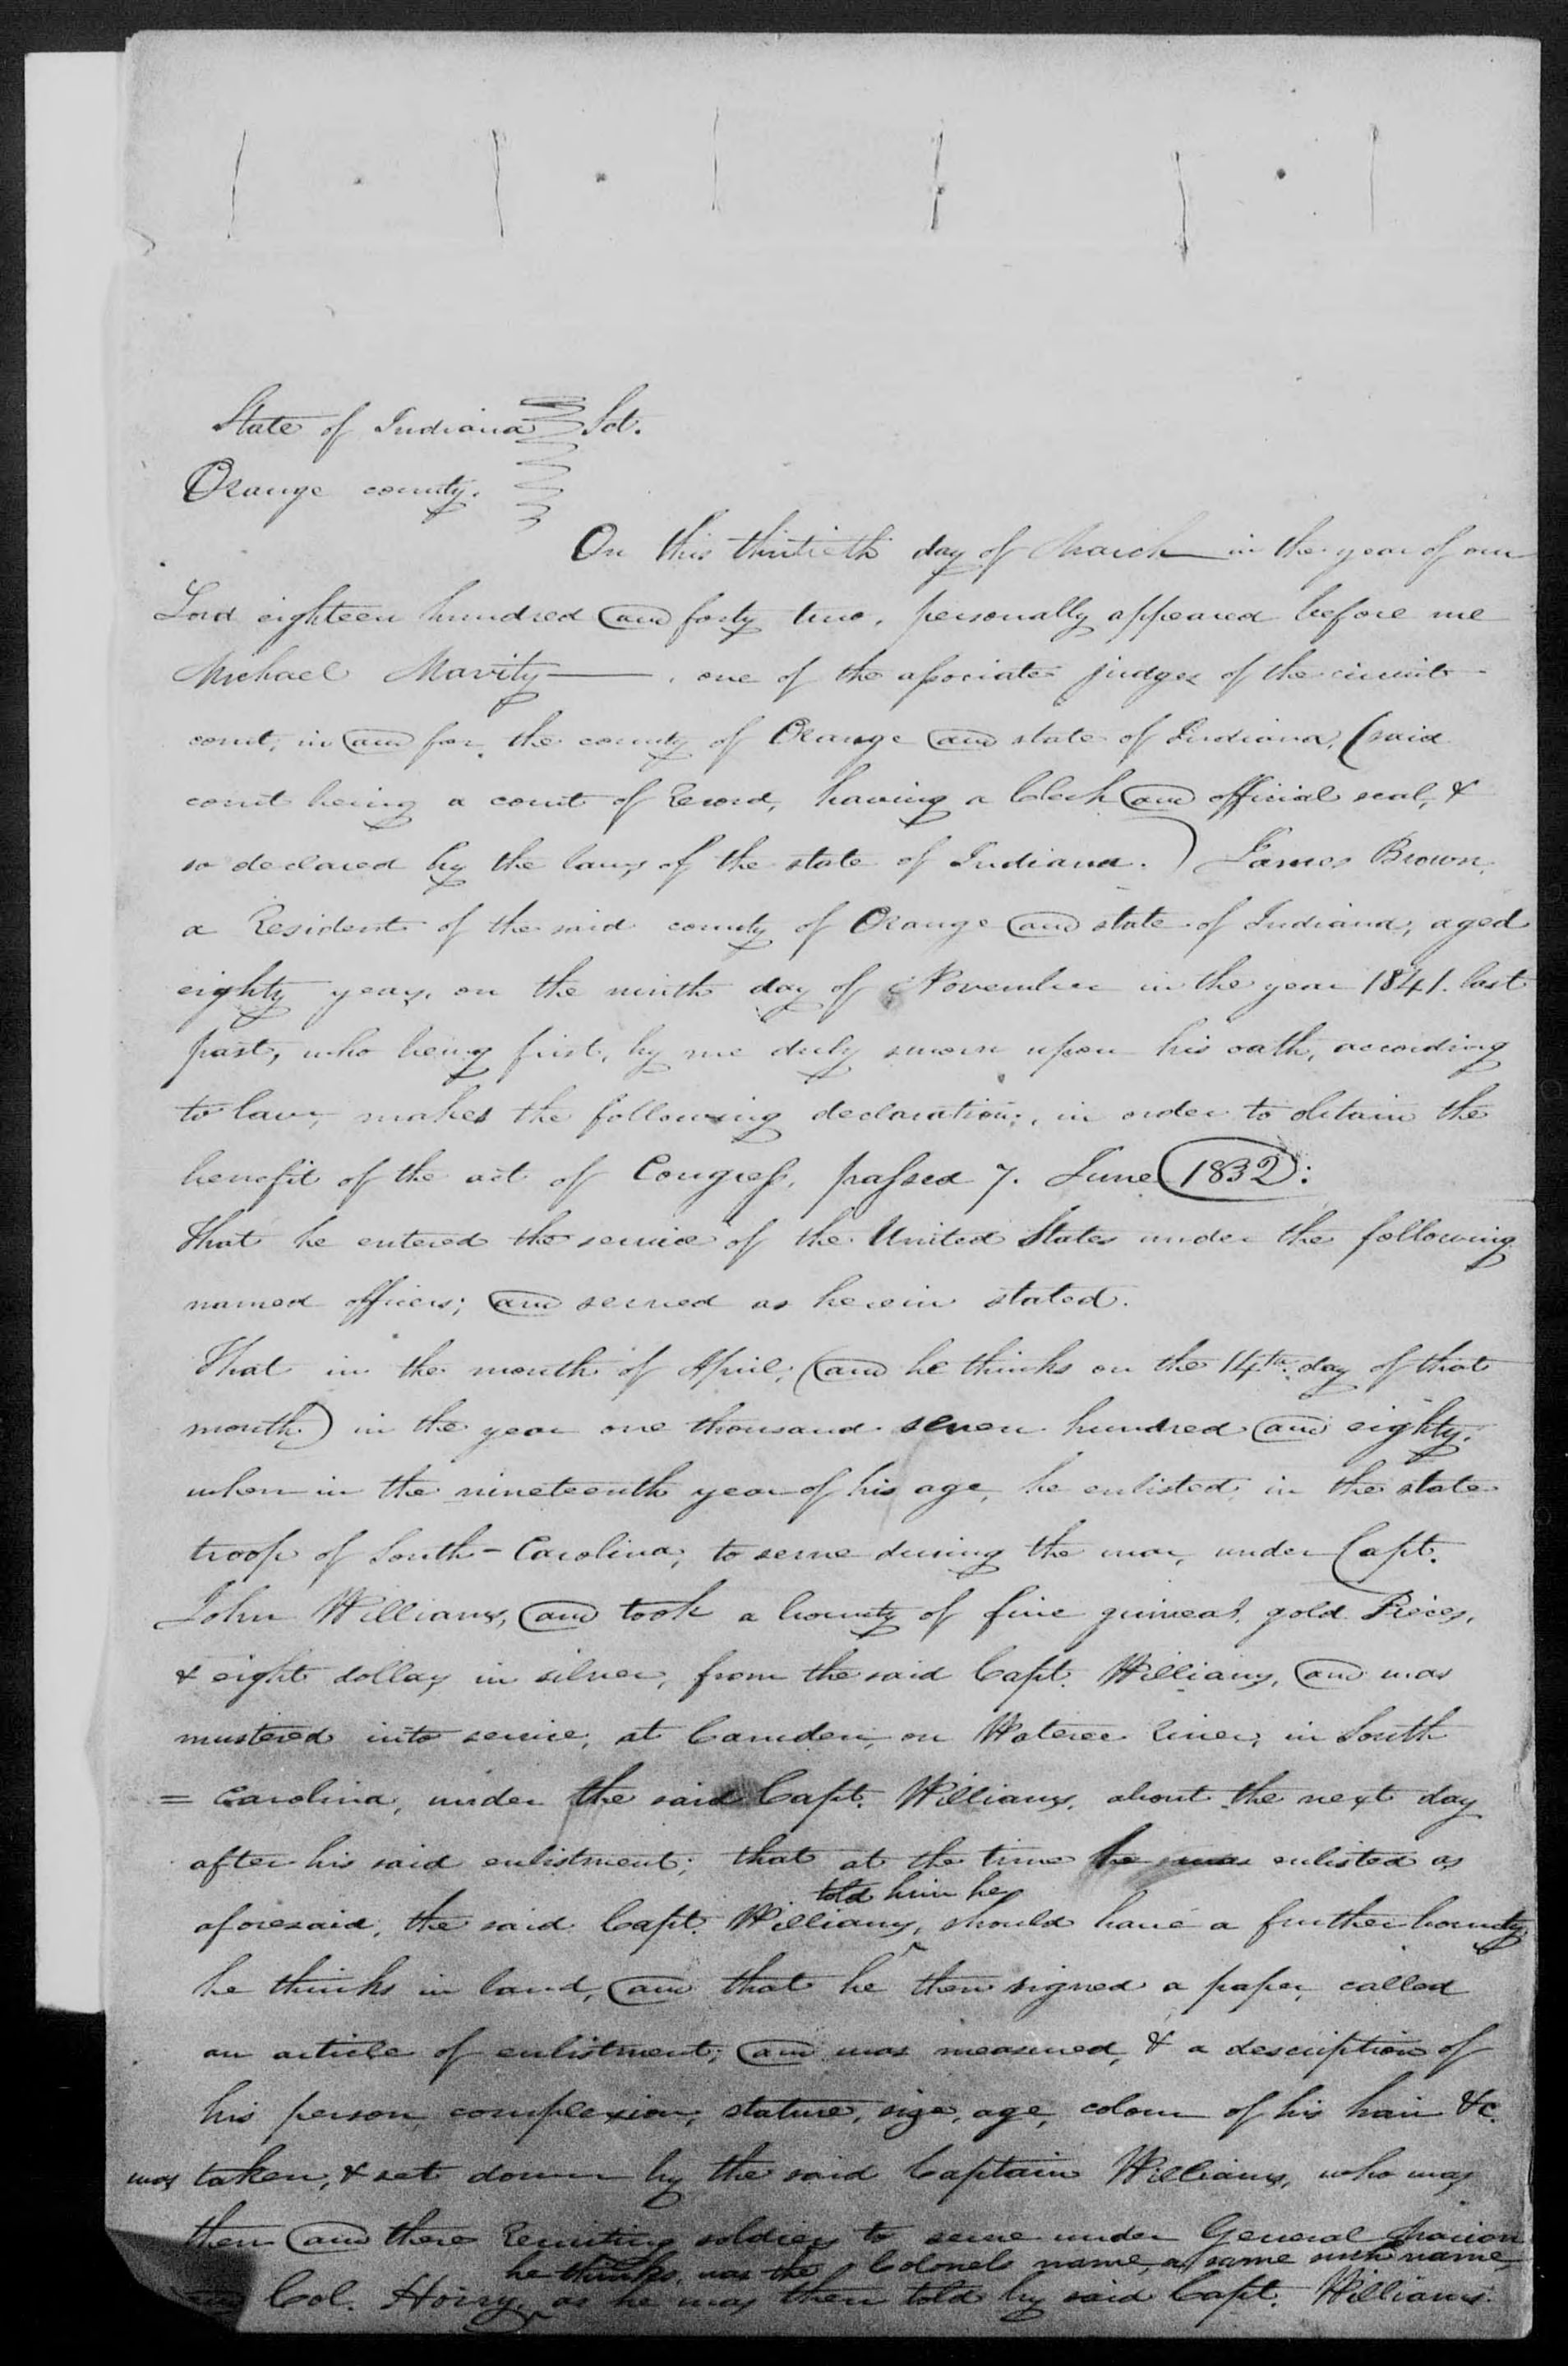State of Indiana Orange County
On this thirtieth day of March in the year of our Lord eighteen hundred and forty two, personally appeared before me Michael Mavity one of the
associate judges of the circuit
court in and for the County of Orange and State of Indiana, (said
court being a court of Record, having a Clerk and official seal &
so declared by the laws of the state of Indiana.)  James Brown
a resident of the said County of Orange and State of Indiana, aged
eighty years, on the ninth day of November in the year 1841, last
past, who being first by me duly sworn upon his oath, according to
law, makes the following declaration in order to obtain the benefit of the act of Congress, passed 7 June 1832:
That he entered the service of the United States under the following
named officers; and served as herein stated.
That in the month of April, and he thinks on the 14th day of that
month in the year one thousand seven hundred and eighty.
when in the nineteenth year of his age, he enlisted in the state
troop of South Carolina, to serve during the war, under Capt.
John Williams, and took a bounty of five quineas, gold pieces, & eight dollars in silver, from the said Capt. Williams, and was mustered into service, at Camden, on Wateree River, in South Carolina, under the said Capt. Williams about the next day
after his said enlistment, that at the time he was enlisted as aforesaid, the said Capt Williams, told him he should have a further bounty
he thinks in land and that he then signed a paper called
an article of enlistment, and was measured, & a description of
his person complexion stature, size, age, color of his hair &c. was taken, & set down by the said Captain Williams, who was then and there recruiting soldiers to same under General [Francis] Marion. Col. [Daniel] Horry, he thinks was the colonels name, or same such name as he was then told by said Capt. Williams.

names: Williams, John Williams, Michael Mavity, Williams, Williams, Williams, Horry, James Brown, Williams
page: 3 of 41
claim: rejected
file: R. 1309, James Brown, S.C.